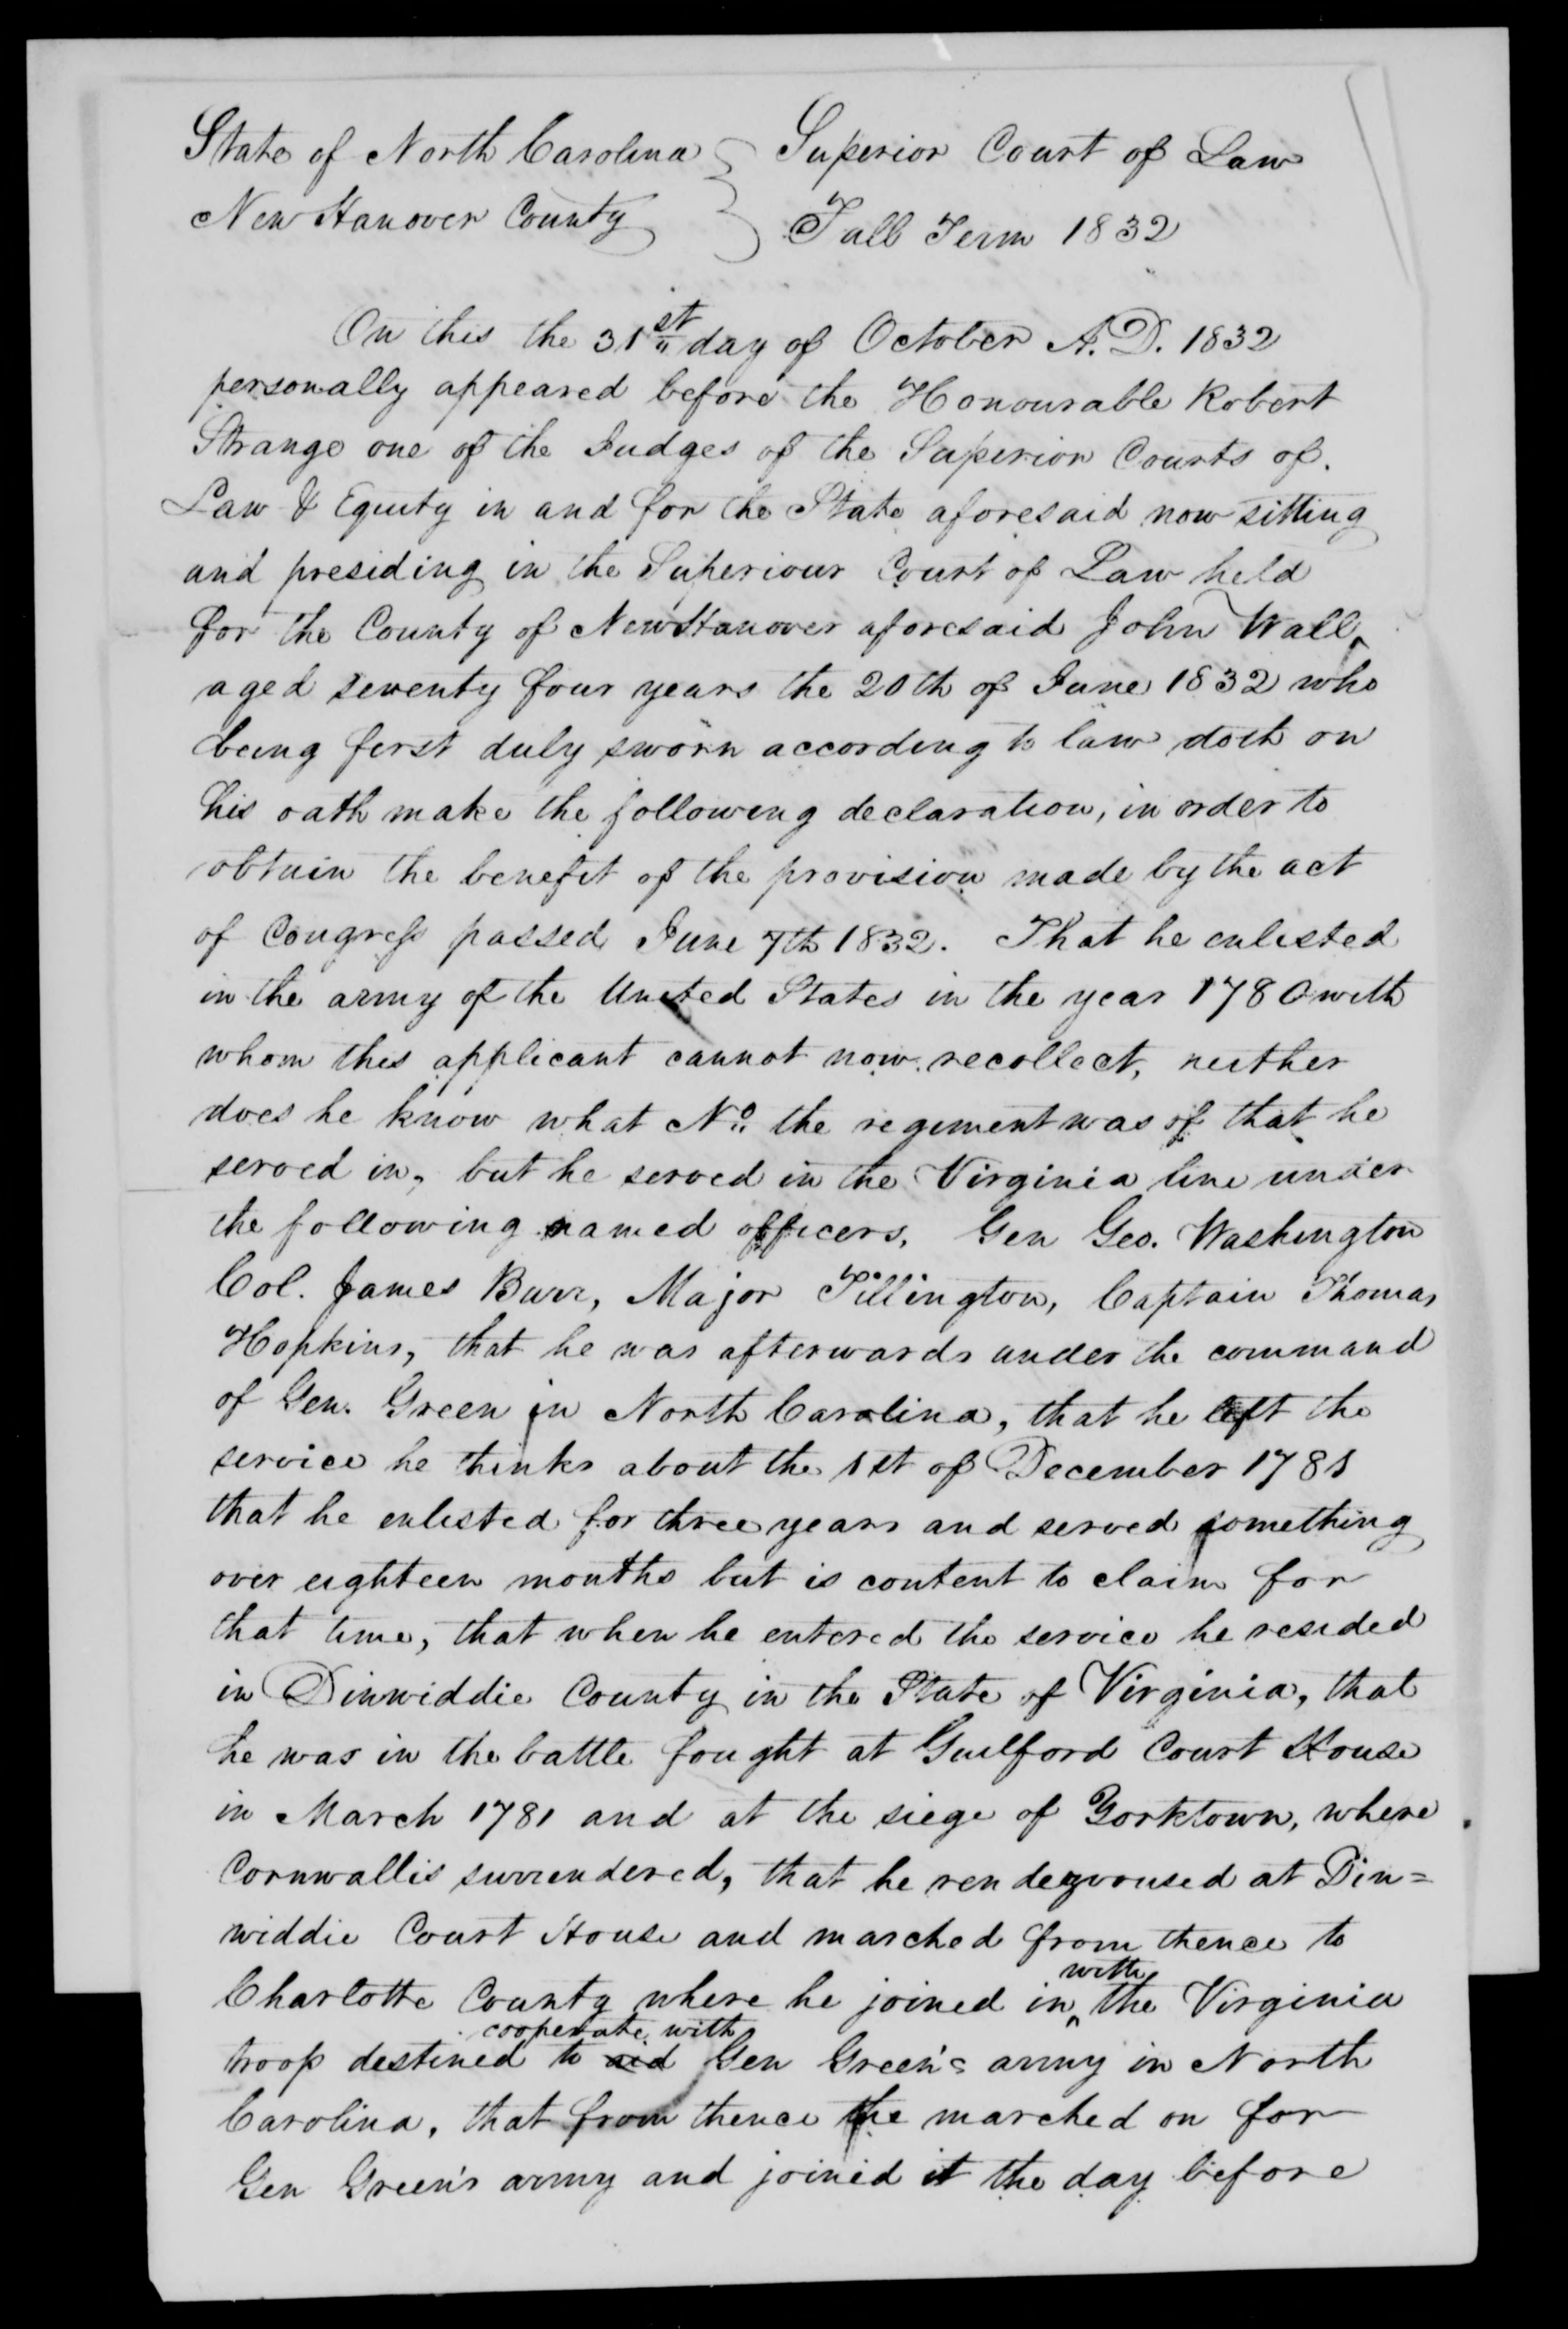State of North Carolina New Hanover County
Superior Court of Law Fall Term 1832

On this the 31st day of October A.D. 1832 personally appeared before the Honourable Robert Strange one of the Judges of the Superior Courts of Law & Equity in and for the State aforesaid now sitting and presiding in the Superior Court of Law held for the County of New Hanover aforesaid John Wall aged seventy four years the 20th of June 1832 who being first duly sworn according to law doth on his oath make the following declaration, in order to obtain the benefit of the provision made by the act of Congress passed June 7th 1832. That he enlisted in the army of the United States in the year 1780 with
whom this applicant cannot now recollect, neither does he know what No. the regiment was of that he served in, but he served in the Virginia line under the following named officers, Gen Geo. Washington, 
Col. James Burr, Major Tillington, Captain Thomas Hopkins, that he was afterwards under the command of Gen. Green in North Carolina, that he left the service he thinks about the 1st of December 1781 that he enlisted for three years and served something over eighteen months but is content to claim for that time, that when he entered the service he resided in Dinwiddie County in the State of Virginia, that he was in the battle fought at Guilford Court House in March 1781 and at the siege of Yorktown, where Cornwallis surrendered, that he rendezvoused at Dinwiddie Court House and marched from thence to
Charlotte County where he joined in with the Virginia troop destined to cooperate with Green's army in North Carolina, that from thence the marched on for Gen Green's army and joined it the day before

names: Green, Thomas Hopkins, Tillington, James Burr, Robert Strange, Geo Washington, John Wall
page: 3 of 11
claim: rejected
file: R. 11089, John Wall, Va.